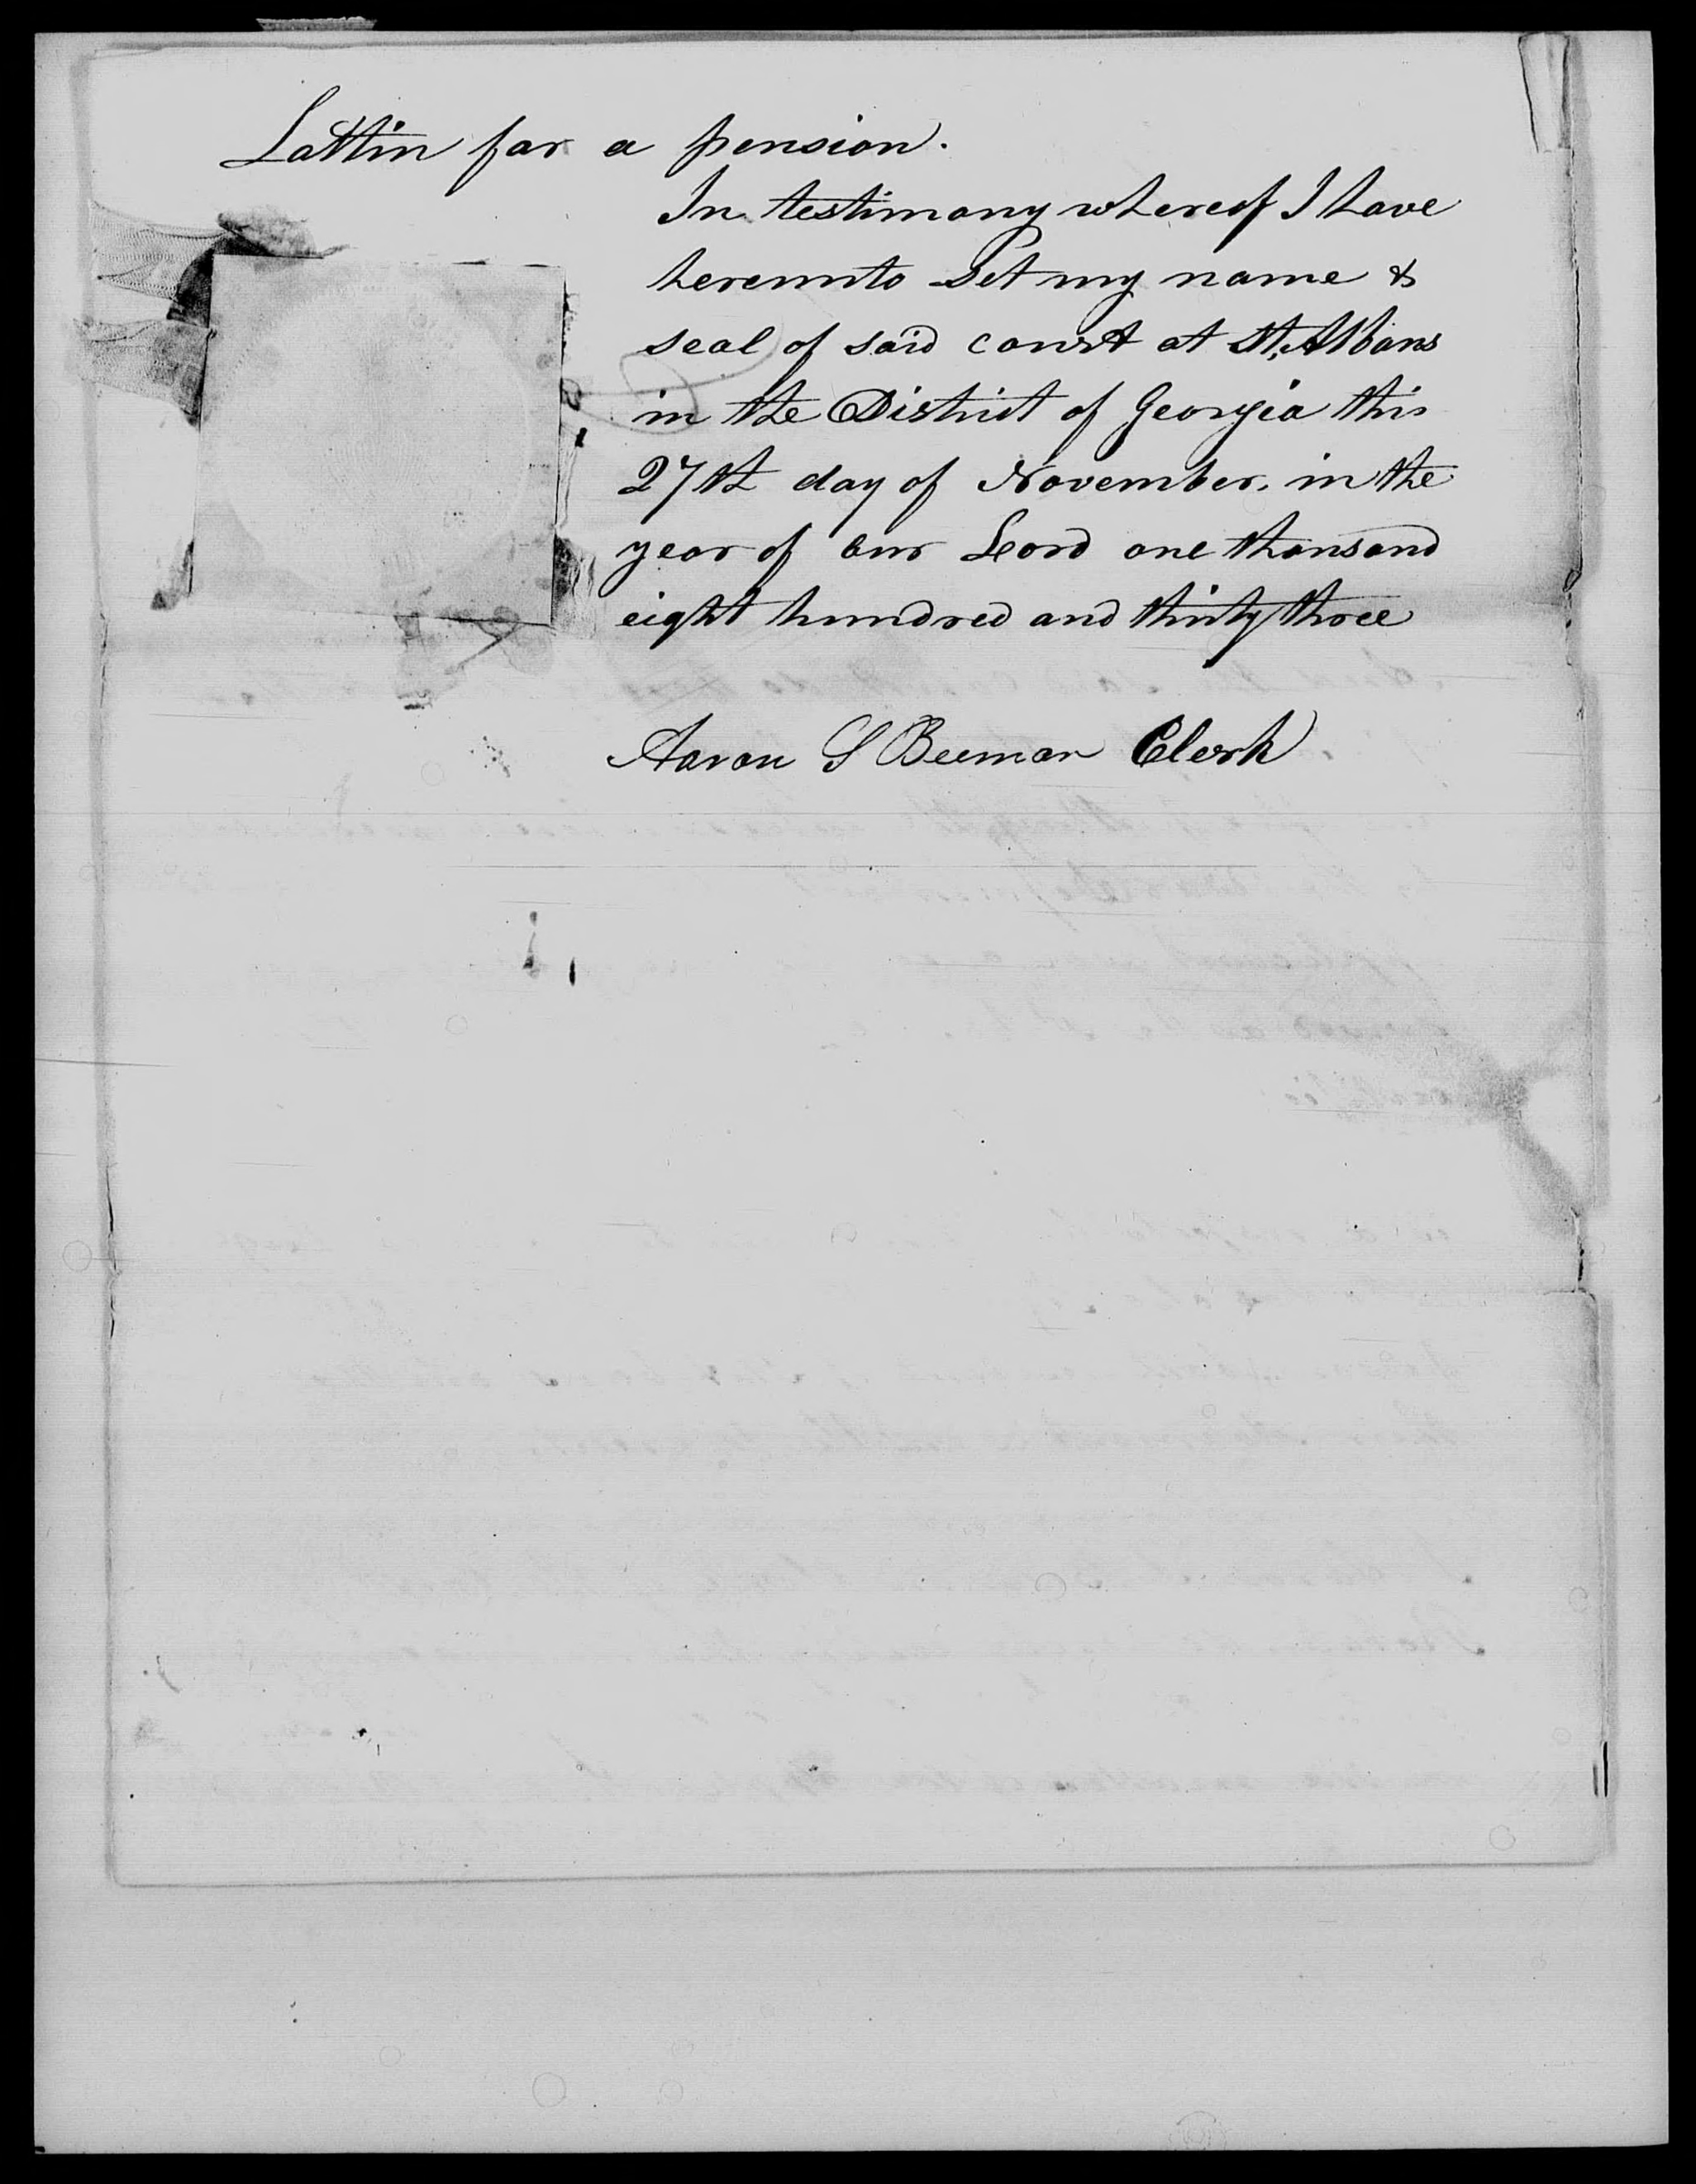Lattin for a pension
In testimony whereof I have
hereunto set my name &
seal of said court at St. Albans
in the District of Georgia this
27th day of November, in the
year of our Lord one thousand
eight hundred and thirty three
Aaron S Beeman Clerk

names: Aaron S Beeman; [BLANK] Lattin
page: 11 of 99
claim: widow's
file: W. 24,482, for Richard Lattin, Vermont